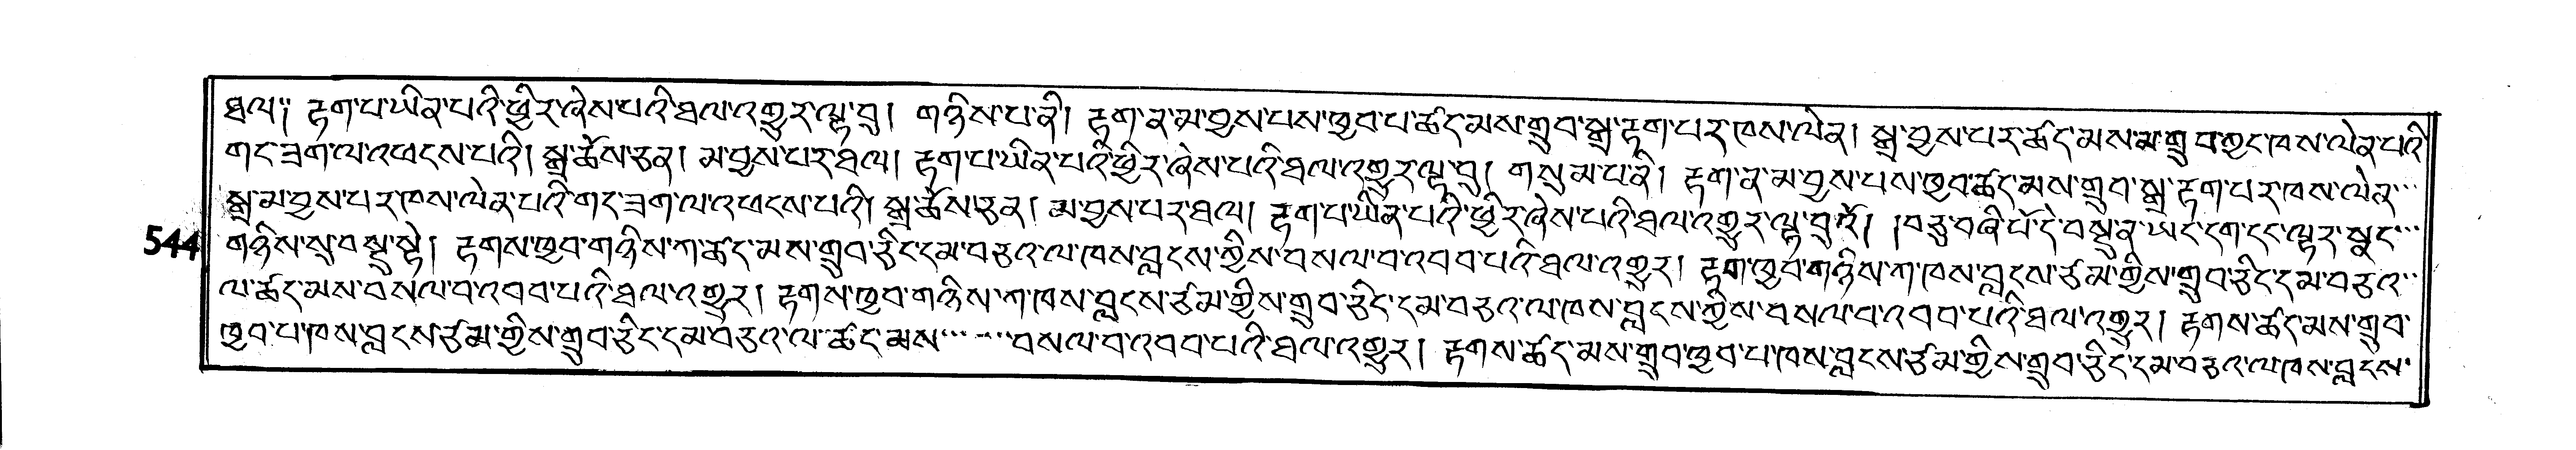ཐལ༑ རྟག་པ་ཡིན་པའི་ཕྱིར་ཞེས་པའི་ཐལ་འགྱུར་ལྟ་བུ། གཉིས་པ་ནི། རྟག་ན་མ་བྱས་པས་ཁྱབ་པ་ཚད་མས་གྲུབ་སྒྲ་རྟག་པར་ཁས་ལེན། སྒྲ་བྱས་པར་ཚད་མས་མ་གྲུབ་ཀྱང་ཁས་ལེན་པའི་
གང་ཟག་ལ་འཕངས་པའི། སྒྲ་ཆོས་ཅན། མ་བྱས་པར་ཐལ། རྟག་པ་ཡིན་པའི་ཕྱིར་ཞེས་པའི་ཐལ་འགྱུར་ལྟ་བུ། གསུམ་པ་ནི། རྟག་ན་མ་བྱས་པས་ཁྱབ་ཚད་མས་གྲུབ་སྒྲ་རྟག་པར་ཁས་ལེན་
སྒྲ་མ་བྱས་པར་ཁས་ལེན་པའི་གང་ཟག་ལ་འཕངས་པའི། སྒྲ་ཆོས་ཅན། མ་བྱས་པར་ཐལ། རྟག་པ་ཡིན་པའི་ཕྱིར་ཞེས་པའི་ཐལ་འགྱུར་ལྟ་བུའོ། །བཅུ་བཞི་པོ་དེ་བསྡུ་ན་ཡང་དག་དང་ལྟར་སྣང་
གཉིས་སུ་བསྡུ་སྟེ། རྟགས་ཁྱབ་གཉིས་ཀ་ཚད་མས་གྲུབ་ཅིང་དམ་བཅའ་ལ་ཁས་བླངས་ཀྱིས་བསལ་བ་འབབ་པའི་ཐལ་འགྱུར། རྟག་ཁྱབ་གཉིས་ཀ་ཁས་བླངས་ཙམ་གྱིས་གྲུབ་ཅིང་དམ་བཅའ་
ལ་ཚད་མས་བསལ་བ་འབབ་པའི་ཐལ་འགྱུར། རྟགས་ཁྱབ་གཉིས་ཀ་ཁས་བླངས་ཙམ་གྱིས་གྲུབ་ཅིང་དམ་བཅའ་ལ་ཁས་བླངས་ཀྱིས་བསལ་བ་འབབ་པའི་ཐལ་འགྱུར། རྟགས་ཚད་མས་གྲུབ་
ཁྱབ་པ་ཁས་བླངས་ཙམ་གྱིས་གྲུབ་ཅིང་དམ་བཅའ་ལ་ཚད་མས་བསལ་བ་འབབ་པའི་ཐལ་འགྱུར། རྟགས་ཚད་མས་གྲུབ་ཁྱབ་པ་ཁས་བླངས་ཙམ་གྱིས་གྲུབ་ཅིང་དམ་བཅའ་ལ་ཁས་བླངས་